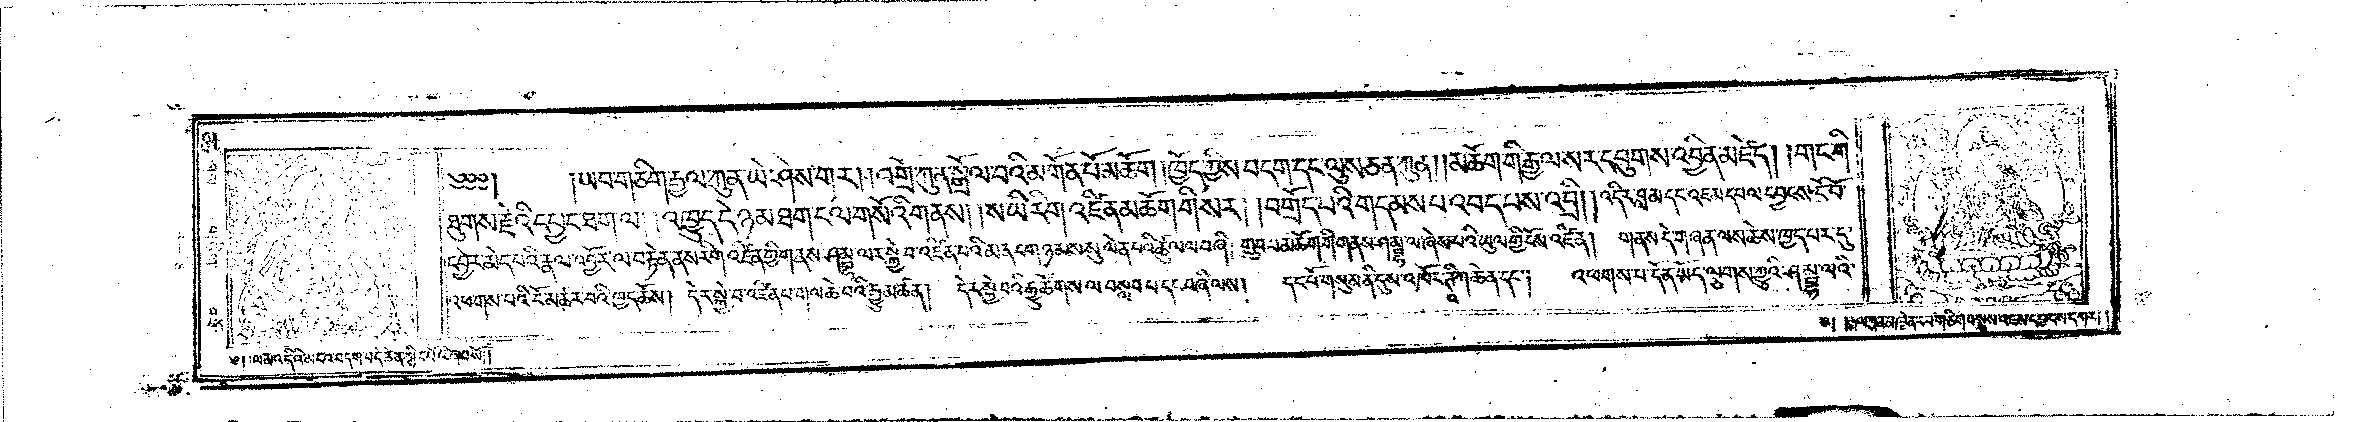༄༅༅། །ཡབ་གཅིག་རྒྱལ་ཀུན་ཡེ་ཤེས་གར། །འགྲོ་ཀུན་སྒྲོལ་བའི་མགོན་པོ་མཆོག །ཁྱོད་ཀྱིས་བདག་དང་ལུས་ཅན་ཀུན། །མཆོག་གི་རྒྱལ་སར་དབུགས་འབྱིན་མཛེད། །གང་གི་
ཐུགས་རྗེའི་དཔྱང་ཐག་ལ། །འཁྱུད་དེ་ཉམ་ཐག་ངལ་གསོའི་གནས། །ས་ཡི་རིག་འཛིན་མཆོག་གི་སར། །བགྲོད་པའི་གདམས་པ་འབད་པས་འབྲི། །འདིར་བླ་མ་དང་འཇམ་དཔལ་དབྱངས་ངོ་བོ་
དབྱེར་མེད་པའི་རྣལ་འབྱོར་ལ་བརྟེན་ནས་རིག་འཛིན་གྱི་གནས་ཤམྦྷ་ལར་སྐྱེ་བ་འཛིན་པའི་མན་ངག་ཉམས་སུ་ལེན་པའི་ཚུལ་ལ་བཞི་གྲུབ་པ་མཆོག་གི་གནས་ཤམྦྷ་ལ་ཞེས་པའི་ཡུལ་གྱི་ངོས་འཛིན། གནས་དེ་གཞན་ལས་ཆེས་ཁྱད་པར་དུ་
འཕགས་པའི་ངོ་མཚར་བའི་ཁྱད་ཆོས། དེར་སྐྱེ་བ་འཛིན་པ་གལ་ཆེ་བའི་རྒྱུ་མཚན། དེར་སྐྱེ་བའི་རྒྱུ་ཚོགས་ལ་བསླབ་པ་དང་བཞི་ལས། དང་པོ་གསུམ་ནི་དུས་འཁོར་ཊཱིཀ་ཆེན་དང་། འཕགས་པ་དོན་ཡོད་ལྕགས་ཀྱུའི་ཤམྦྷ་ལའི་